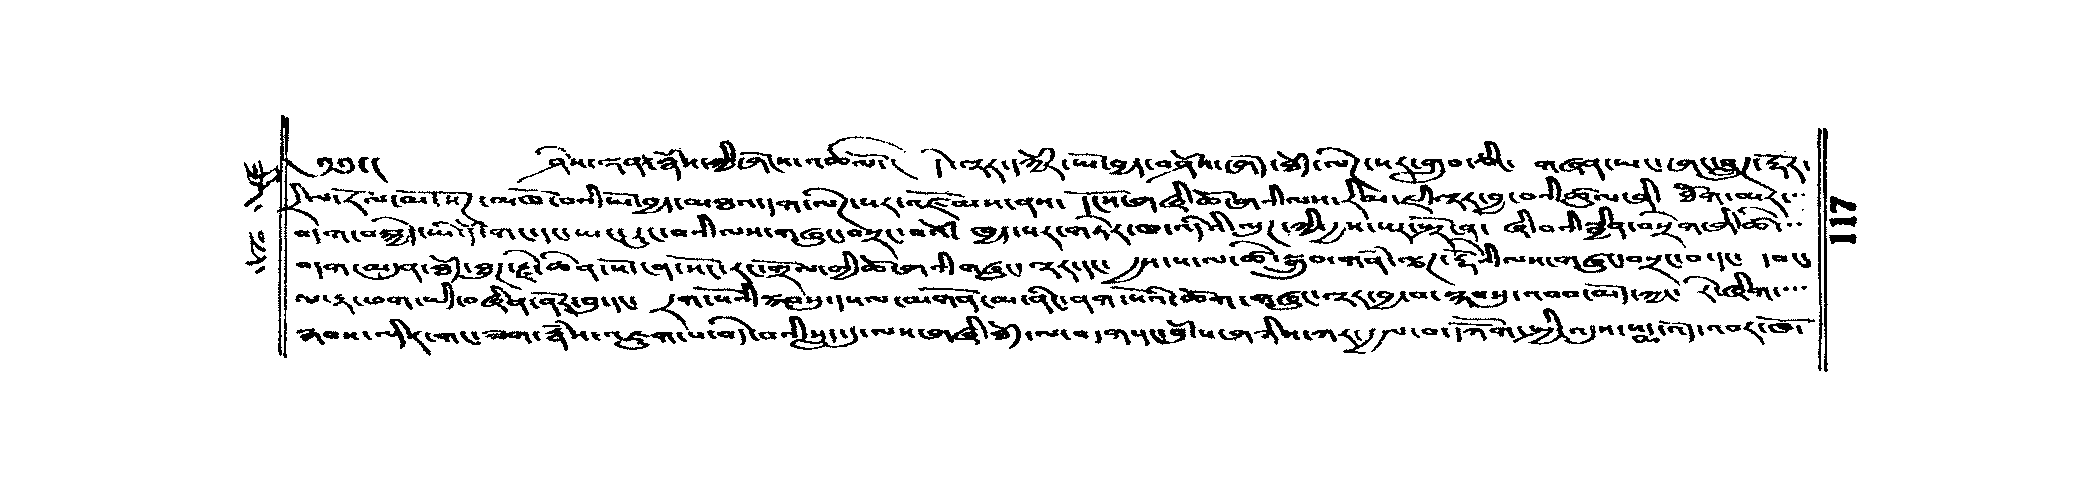ཤེས་ལྡན་རྣམས་ཀྱི་དགོངས་འཚལ། དེ་ལྟར་དཀྱིལ་འཁོར་ཡོ་བྱད་བཤམས་དགོས་ཐམས་ཅད་ལེགས་པར་གྲུབ་ཅིང་། གཞན་ཡང་དགང་བླུགས་རྡོར་
དྲིལ་རོལ་མོ་སོགས་མཁོ་བའི་ཡོ་བྱད་མཐའ་དག་ལེགས་པར་འཛོམས་ནས། དངོས་གཞི་ཆོ་གའི་ལས་རིམ་ཇི་ལྟར་བྱ་བའི་ཚུལ་ནི། ཐོག་མར་
བདགབསྐྱེད་ཡི་དམ་གང་དང་ཡང་རུང་བའི་ལས་གཞུང་བསྲང་བའམ། ཁྱད་པར་གཏེར་ཁ་འདིའི་ལུགས་ཀྱི་རྒྱས་པར་སྤྲོ་ན། ཞི་བའི་སྦྱིན་སྲེག་གི་ཚེ་
བདག་མདུན་ཐམས་ཅད་ཐུགས་རྗེ་ཆེན་པོ་ངན་སོང་རང་གྲོལ་གྱི་གཞུང་ལྟར་དང་།རྒྱས་པ་ལ་ཚེ་སྒྲུབ་གནམ་ལྕགས་རྡོ་རྗེའི་ལས་གཞུང་བསྲང་བ་དང་། དབང་
ལ་རྟ་ཕག་ཡིད་བཞིན་ནོར་བུ་དང་། དྲག་པོའི་སྐབས་སུ་དཔལ་མགོན་མ་ནིང་ནག་པོའི་ཆོག་གཞུང་ལྟར་བྱ་བ་སྐབས་སུ་བབ་མོད་ཀྱང་། རེ་ཞིག་
སྐབས་འདིར་གང་ཟག་རྣམས་འཇུག་བདེ་བའི་སླད་དུ་གཞི་ཐམས་ཅད་ལ་བདག་དང་བུམ་པ་གཉིས་ཀར་རྒྱལ་བ་དཀོན་མཆོག་སྤྱི་འདུས་པདྨ་འོད་འབར་ཁོ་